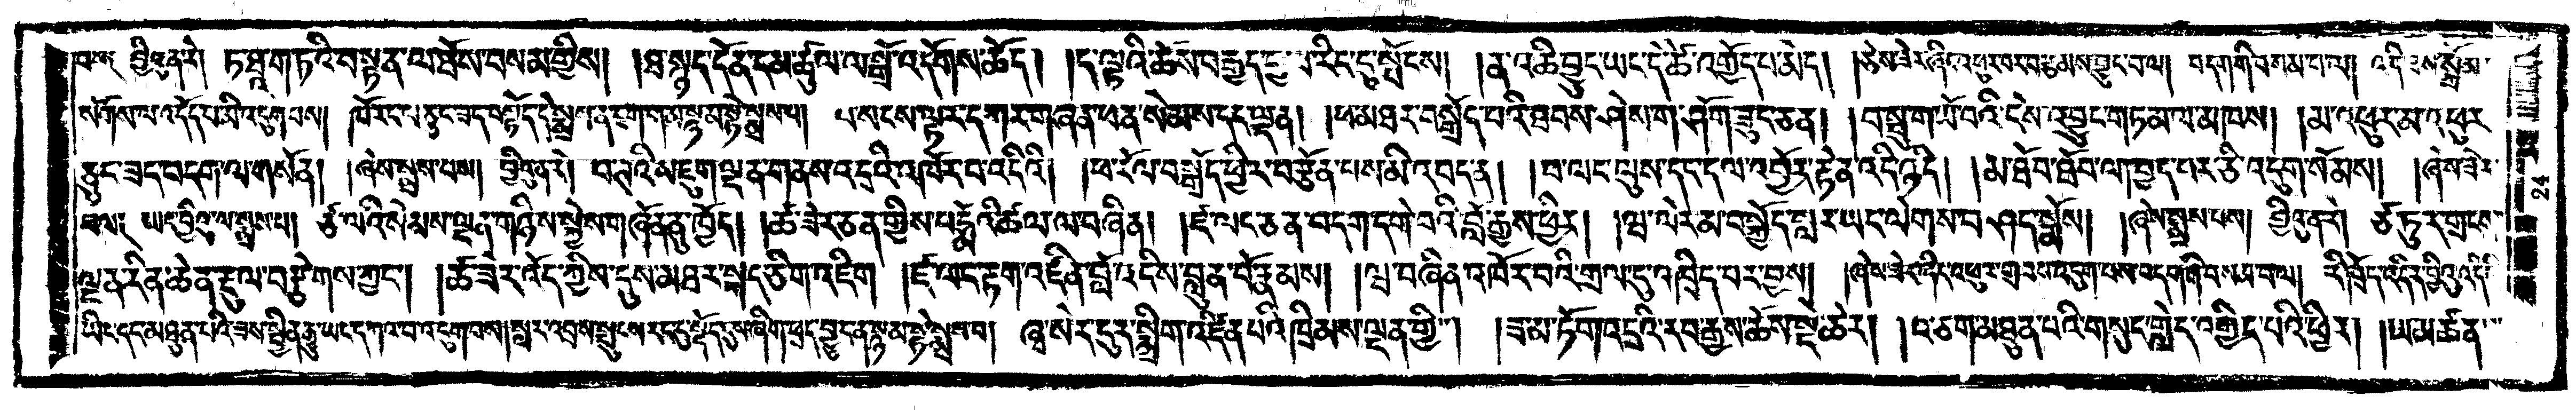བས། །བྱིའུ་ན་རེ། ཏ་ཐཱ་ག་ཏའི་བསྟན་ལ་ཐོས་བསམས་གྱིས། །ཐ་སྙད་དོན་དམ་ཚུལ་ལ་སྒྲོ་འདོགས་ཆོད། །ད་ལྟའི་ཆོས་བརྒྱད་བྱལ?་རིང་དུ་སྤོངས་།ན་འཆི་བྱུང་ཡང་དེའི་ཚེ་འགྱོད་པ་མེད། །ཅེས་ཟེར་ཞིང་འཕུར་བང་བརྩམས་བྱུང་བ་ལ། བདག་གི་བསམ་ག་ལ། འདི་ཟས་སྤོམ་
སོགས་ལ་འདོད་པ་མི་འདུག་བས། ཁོ་རང་བཅུང་ཟད་བསྟོད་དེ་སྨྲས་ཞ་དྲག་གམ་སྙམ་སྟེ་སྨྲས་པ། པ་སངས་ལྟར་དཀར་གཞན་ཕན་སེམས་དང་ལྡན། །ཕ་མཐར་བསྒྲོད་བའི་ཐབས་ཤེས་གཤོག་ཟུང་ཅན། །བསྦུ་གཡོ་བའི་ངེས་འབྱུང་གཏམ་ལ་མཁས། །མ་འཕུར་མ་འཕུར་
ཅུང་ཟད་བདག་ལ་གསོན། །ཞེས་སྨྲས་པས། ཕྱིའུ་ན་རེ། བ་ཊའི་མཇུག་ལྡན་གནས་འདྲའི་འཁོར་བའི་འདིའི། །ཕ་རོལ་བསྒྲོད་ཕྱིར་བརྩོན་པས་མི་འབད་ན། །བ་ལང་ལུས་དང་ད་ལ་འབྱོར་རྟེན་འདི་ཉ་དི། །མ་ཐོབ་ཐོབ་ལ་ཁྱད་པར་ཅི་འདུག་སོ་མས། །ཞེས་ཟེར་
ཕལ། ཡང་བྱིའུ་ལ་སྨྲས་པ། ཙ་ལའི་སེམས་ལྡན་གཉིས་སྐྱེས་གཞོན་ནུ་ཁྱོད། །ཚ་ཟེར་ཅན་གྱིས་པདམོའི་ཚལ་ལ་བཞིན། །ཛ་ལང་ཅན་བདག་དགེ་བའི་བློ་རྒྱས་ཕྱིར། །ཝ་ལེར་མ་བསྐྱོད་སླར་ཡང་ལེགས་བཤད་སྨོས། །ཞེས་སྨྲས་པས། གྱིའུ་ན་རེ། ཙ་ཏུ་ར་གྲངས་
ལྔན་རིན་ཆེན་རྡུལ་བརྩེགས་ཀྱང་། །ཚ་ཟེར་འོད་ཀྱིས་དུས་མཐར་སྐད་ཅིག་འཇིག །ཛ་ཡང་རྟག་འཛིན་བློ་འདིས་བླུན་པོ་རྣམས། །ཝ་བཞིན་འཁོར་བའི་གྲལ་དུ་འཁྲིད་པར་བྱས། །ཞེས་ཟེར་བཞིར་འཕུར་གྲབས་པ་འདུག་པས་བདག་གི་བསམ་བལ། རི་འཁོར་འདིར་བྱིའུ་འདིའི་
ཡིང་དང་མཐུན་པའི་ཟས་སྦྱིན་རྒྱུ་ཡང་དཀའ་བ་འདུག་པས། སླར་འབྲས་སྤུངས་པ་དུ་སྡོད་དུས་ཞིག་ཕྲད་བྱུང་ན་སྙམ་སྟེ་སྨྲས་བ། ཞྭ་སེར་ངུར་སྨྲིག་འཛིན་པའི་ཁྲིམས་ལྡན་གྱི། །ཟ་མ་ཏོག་འདྲའི་རབ་རྒྱས་ཆོས་སྡེ་ཆེར། འ་ཅག་མཐུན་པའི་གསུང་གླེད་འགྱེད་པའི་ཕྱིར། །ཡ་མཚན་